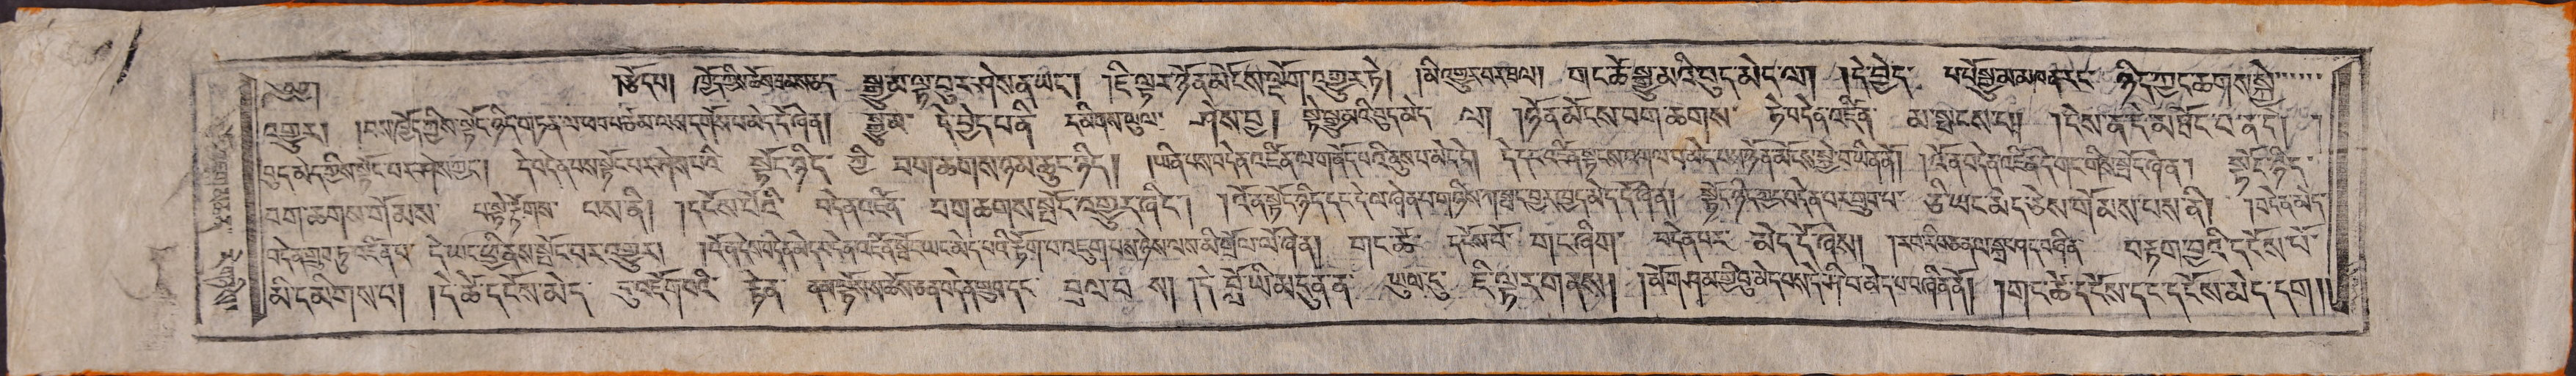༄༅། །རྩོད་པ། ཁྱོད་ཀྱིས་ཆོས་ཐམས་ཅད་སྒྱུ་མ་ལྟ་བུར་ཤེས་ན་ཡང་། །ཇི་ལྟར་ཉོན་མོངས་ལྡོག་འགྱུར་ཏེ། །མི་འགྱུར་བར་ཐལ།  གང་ཚེ་སྒྱུ་མའི་བུད་མེད་ལ། །དེ་བྱེད་པ་པོ་སྒྱུ་མ་མཁན་རང་ཉིད་ཀྱང་ཆགས་སྐྱེ་
འགྱུར། །བས་ཁྱོད་ཀྱིས་སྟོང་ཉིད་གཏན་ལ་ཕབ་པ་ཙམ་ལས་དགོས་པ་མེད་དོ་ཞེ་ན། སྒྱུ་མ་དེ་བྱེད་པ་ནི་དམིགས་ཡུལ་ཤེས་བྱ་སྟེ་སྒྱུ་མའི་བུད་མེད་ལ། །ཉོན་མོངས་བག་ཆགས་ཏེ་བདེན་འཛིན་མ་སྤངས་པ། །དེས་ན་དེ་མཐོང་བ་ན་དོ། །
བུད་མེད་ཀྱིས་སྟོང་པར་ཤེས་ཀྱང་། དེ་བདེན་པས་སྟོང་པར་ཤེས་པའི་སྟོང་ཉིད་ཀྱི་བག་ཆགས་ཉམ་ཆུང་ཉིད། །ཡིན་པས་བདེན་འཛིན་ལ་གནོད་པའི་ནུས་པ་མེད་དེ། དེ་དང་འཛིན་སྟངས་འགལ་བ་མེད་པས་ཉོན་མོངས་སྐྱེ་བ་ཡིན་ནོ། །འོ་ན་བདེན་འཛིན་དེ་གང་གིས་སྤོང་ཞེ་ན།  སྟོང་ཉིད་
བག་ཆགས་གོམས་བ་སྟེ་རྟོགས་པས་ནི། །དངོས་པོའི་བདེན་འཛིན་བག་ཆགས་སྤོང་འགྱུར་ཞིང་། །འོ་ན་སྟོང་ཉིད་དང་དེ་ལ་ཞེན་པ་གཉིས་ཀ་སྤང་བྱར་ཁྱད་མེད་དོ་ཞེ་ན། སྟོང་ཉིད་ཀྱང་བདེན་བར་གྲུབ་པ་ཅི་ཡང་མེད་ཅེས་གོམས་པས་ནི། །བདེན་མེད་
བདེན་གྲུབ་ཏུ་འཛིན་པ་དེ་ཡང་ཕྱི་ནས་སྤོང་པར་འགྱུར། །འོ་ན་དེས་བདེན་མེད་བདེན་འཛིན་སྤོང་ཡང་མེད་པའི་རྟོག་པ་འཇུག་པས་ཉེས་ལས་མི་གྲོལ་ལོ་ཞེ་ན།  གང་ཚེ་དངོས་པོ་གང་ཞིག་བདེན་པར་མེད་དོ་ཞེས། །རབ་རིབ་ཅན་ལ་སྐྲ་ཤད་བཞིན་བརྟག་བྱའི་དངོས་པོ་
མི་དམིགས་པ། །དེ་ཚེ་དངོས་མེད་དུ་འཇོག་པའི་རྟེན་ནམ་ལྟོས་ས་ཆོས་ཅན་བདེན་གྲུབ་དང་བྲལ་བས། །དེ་བློ་ཡི་མདུན་ན་ཡུལ་དུ་ཇི་ལྟར་གནས། །མོ་གཤམ་གྱི་བུ་མེད་པས་དེ་ཤི་བ་མེད་པ་བཞིན་ནོ།  །གང་ཚེ་དངོས་དང་དངོས་མེད་དག །